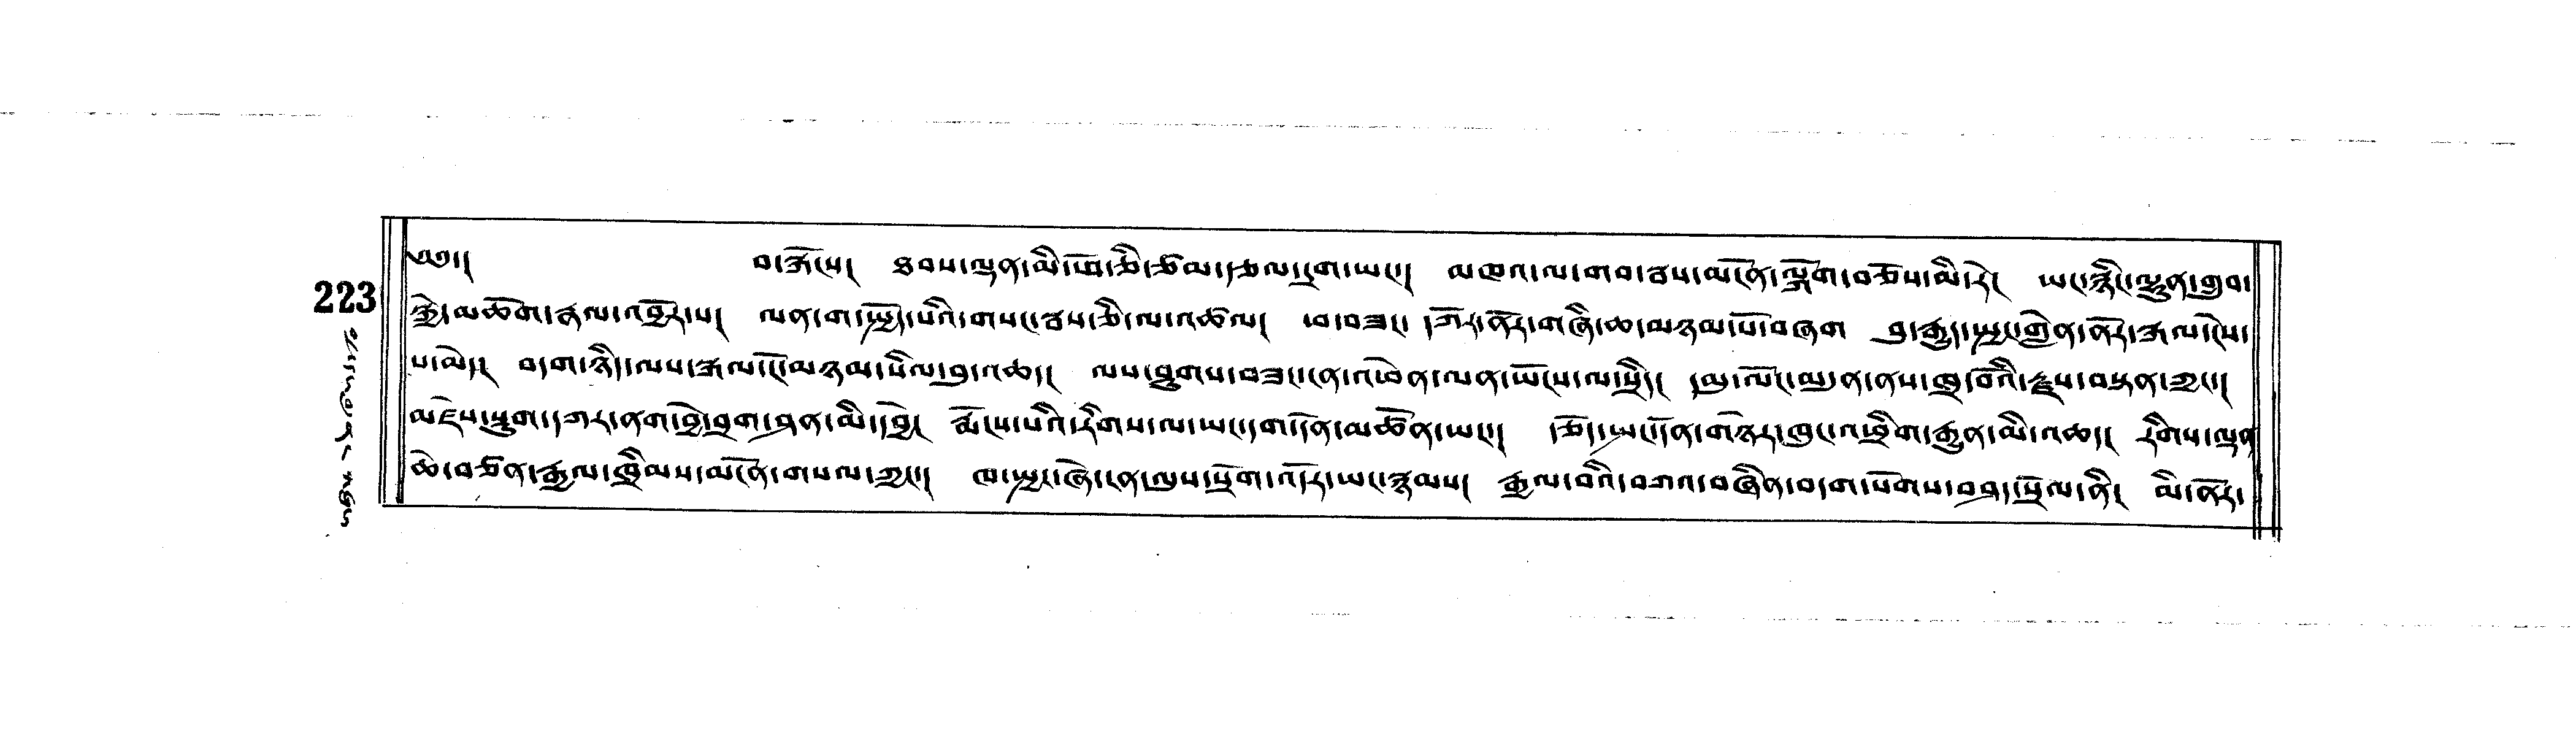བ་སྐོངས། ཐབས་ལྡན་མི་ཕོ་ཅི་ཙམ་རྩལ་དྲགས་ཀྱང་། མཁའ་ལ་གབ་སྦས་མངོན་ལྐོག་བཅོས་མི་རེ། ཡང་སྙིང་ལྷུན་གྲུབ་
སྐྱེས་མཆོག་རྣལ་འབྱོར་པ། མན་ངག་སྤྱོད་པའི་གསང་སྦས་ཅི་ལ་འཚལ། ཕ་བཟང་དཀོར་ནོར་གཞི་ཆ་མཉམ་པོར་བཞག བུ་རྒྱུད་སྤྱང་གླེན་ནོར་སྐལ་ངེས་
པ་མེད། བདག་ཉིད་ལས་སྐལ་ངོ་མཉམ་སིལ་བུ་འཆད། ལས་ཤུགས་བཟང་ངན་འཕེན་ལེན་ཡོངས་ལ་སྲིད། དམུ་ལོང་མདུན་ནས་ཁྲ་བོའི་རྫས་བསྟན་ཀྱང་། 
མཛེས་སྡུག་དཀར་ནག་བྱེ་བྲག་ཤན་མི་དབྱེ། རྨོངས་པའི་རིགས་ལ་ཡང་དག་དོན་མཚོན་ཡང་། རྩོད་སྤོང་དོན་གཉེར་ཁུ་འཕྲིག་རྒྱུན་མི་འཆད། རིགས་ལྡན་
ཆེ་བཙན་རྒྱལ་ཁྲིམས་མངོན་གསལ་ཀྱང་། ཁ་སྤྱང་ཞེ་ངན་ལུས་སྲོག་འདོར་ཡང་སྙམ། རྒྱལ་བའི་བཀའ་བཞིན་བདག་སོགས་བཤད་སྲོལ་ནི། མི་ནོར་